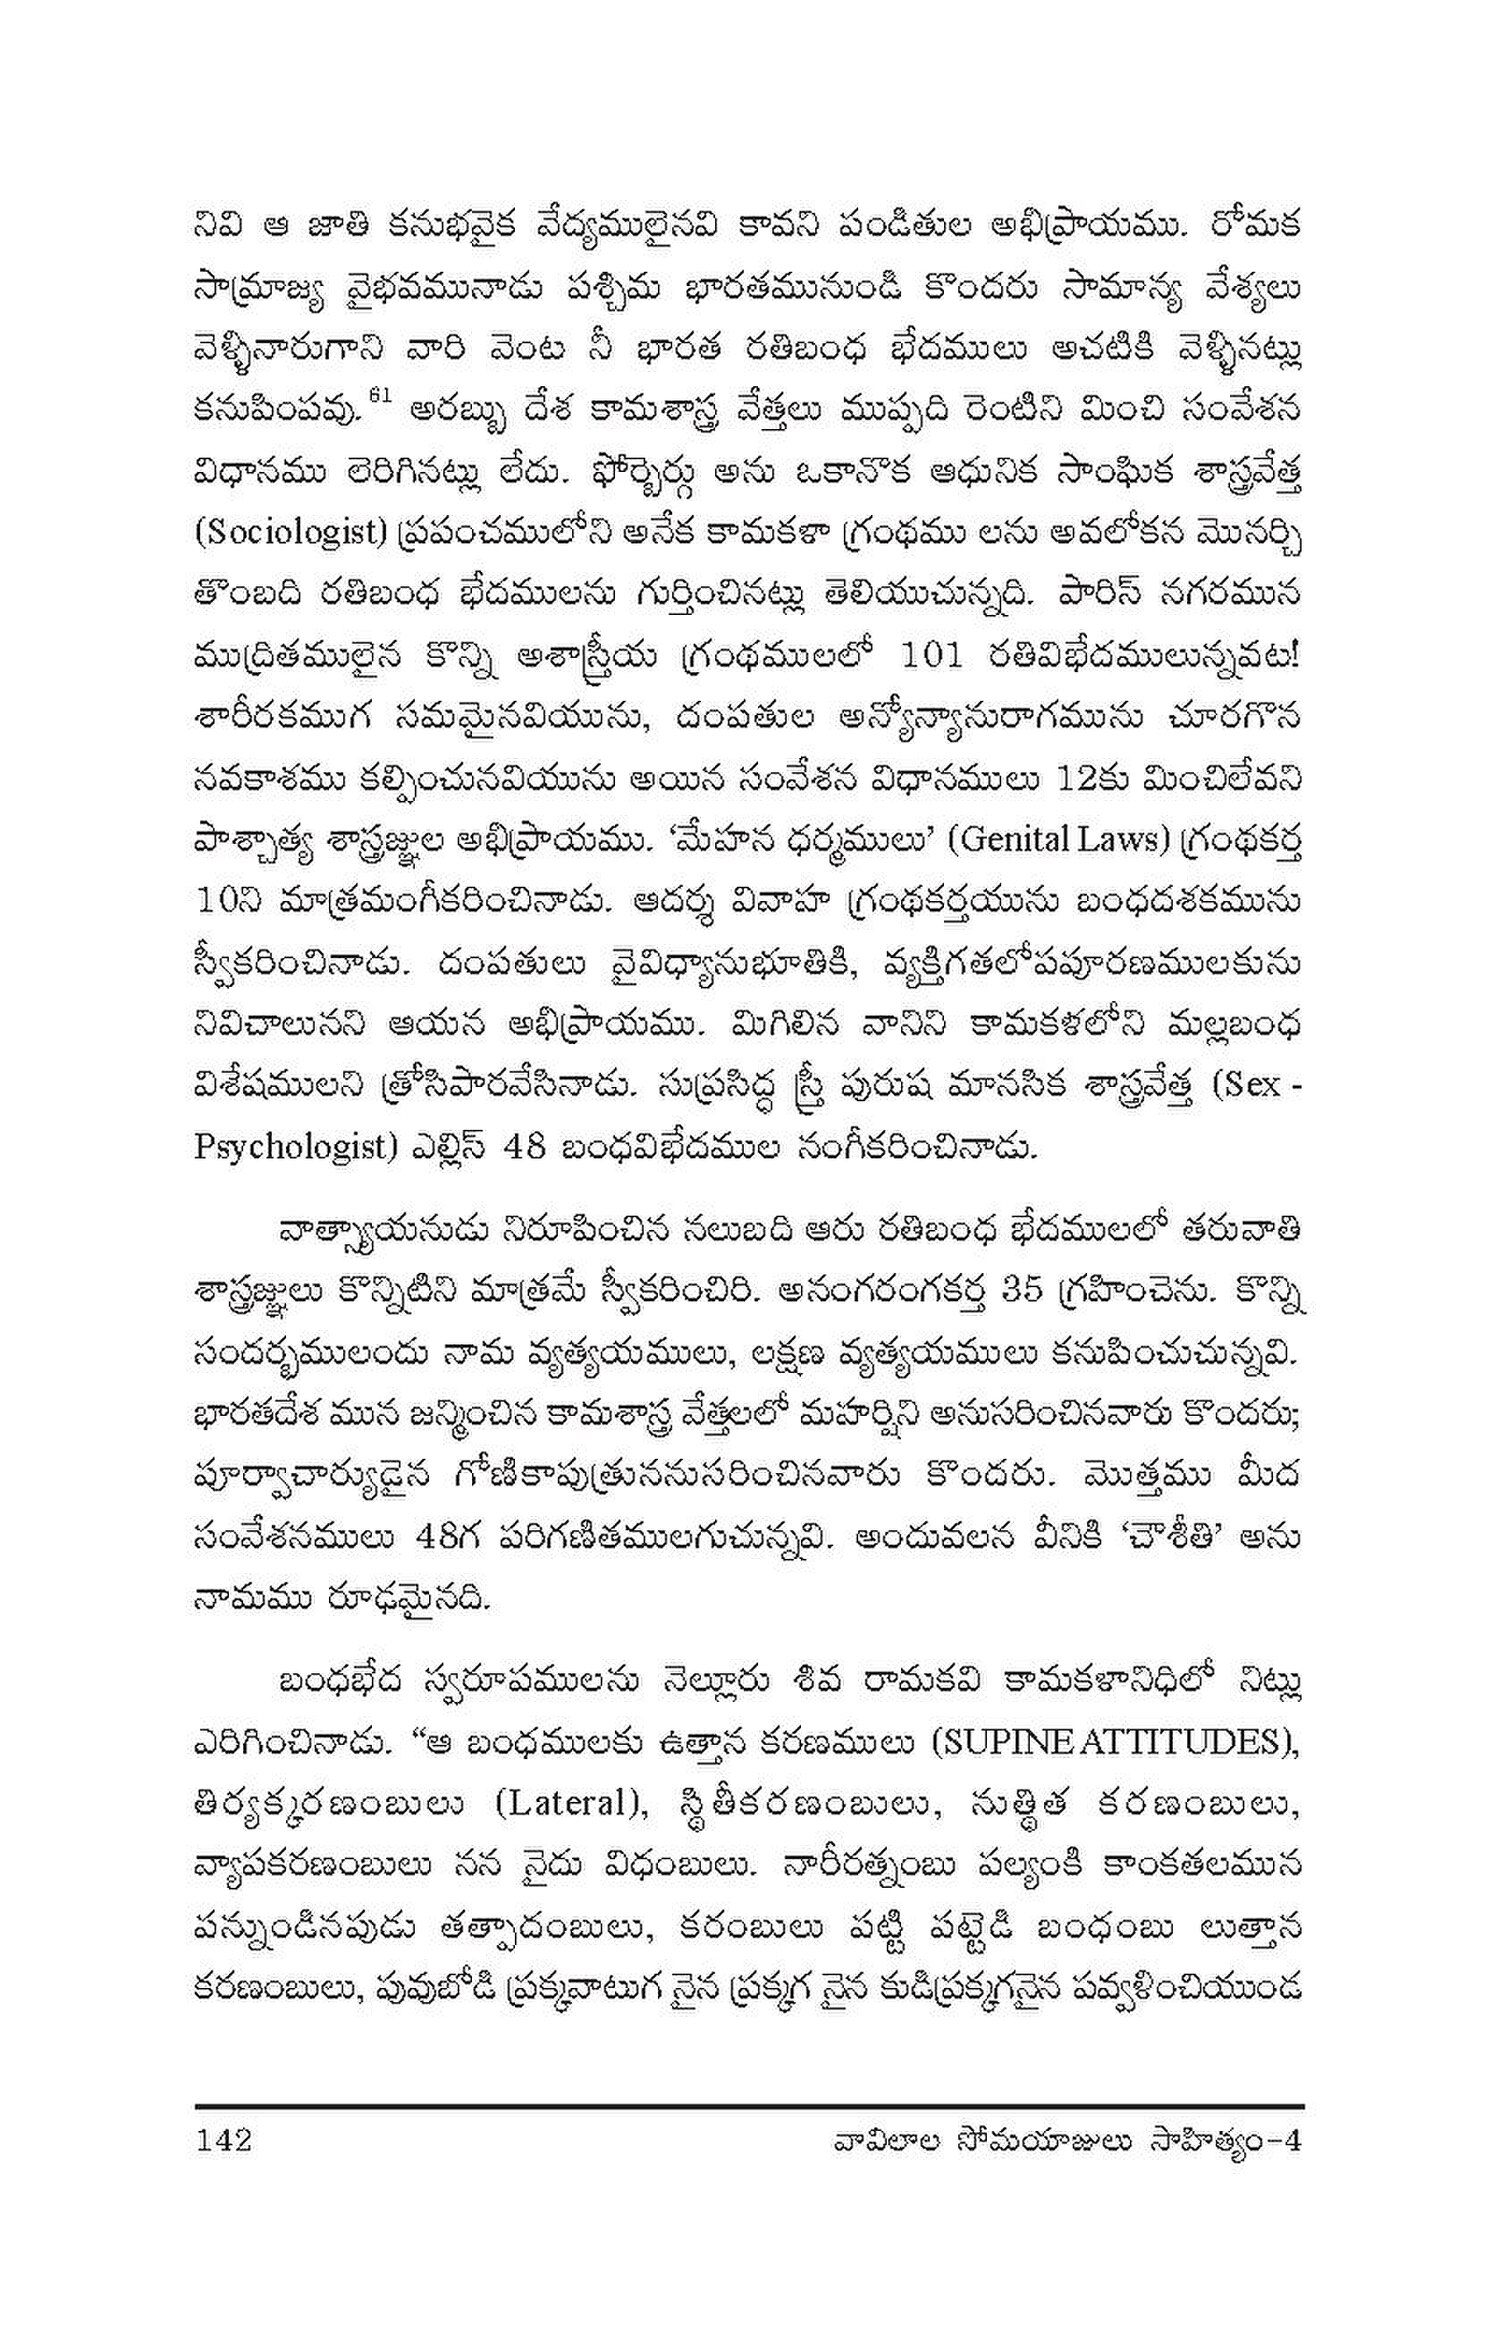నివి ఆ జాతి కనుభవైక వేద్యములైనవి కావని పండితుల అభిప్రాయము. రోమక
సామ్రాజ్య వైభవమునాడు పశ్చిమ భారతమునుండి కొందరు సామాన్య వేశ్యలు
వెళ్ళినారుగాని వారి వెంట నీ భారత రతిబంధ భేదములు అచటికి వెళ్ళినట్లు
కనుపింపవు. అరబ్బు దేశ కామశాస్త్ర వేత్తలు ముప్పది రెంటిని మించి సంవేశన
విధానము లెరిగినట్లు లేదు. ఫోర్బెర్గు అను ఒకానొక ఆధునిక సాంఘిక శాస్త్రవేత్త
(Sociologist) ప్రపంచములోని అనేక కామకళా గ్రంథము లను అవలోకన మొనర్చి
తొంబది రతిబంధ భేదములను గుర్తించినట్లు తెలియుచున్నది. పారిస్ నగరమున
ముద్రితములైన కొన్ని అశాస్త్రీయ గ్రంథములలో 101 రతివిభేదములున్నవట!
శారీరకముగ సమమైనవియును, దంపతులు అన్యోన్యానురాగమును చూరగొన
నవకాశము కల్పించునవియును అయిన సంవేశన విధానములు 12కు మించిలేవని
పాశ్చాత్య శాస్త్రజ్ఞుల అభిప్రాయము. 'మేహన ధర్మములు' (Genital Laws) గ్రంథకర్త
10 మాత్రమంగీకరించినాడు. ఆదర్శ వివాహ గ్రంథకర్తయును బంధదశకమును
స్వీకరించినాడు. దంపతులు వైవిధ్యానుభూతికి, వ్యక్తిగతలోపపూరణములకును
నివిచాలునని ఆయన అభిప్రాయము. మిగిలిన వానిని కామకళలోని మల్లబంధ
విశేషములని త్రోసిపారవేసినాడు. సుప్రసిద్ధ స్త్రీ పురుష మానసిక శాస్త్రవేత్త (Sex -
Psychologist) ఎల్లిస్ 48 బంధవిభేదముల నంగీకరించినాడు.

వాత్స్యాయనుడు నిరూపించిన నలుబది ఆరు రతిబంధ భేదములలో తరువాతి
శాస్త్రజ్ఞులు కొన్నిటిని మాత్రమే స్వీకరించిరి. అనంగరంగకర్త 35 గ్రహించెను. కొన్ని
సందర్భములందు నామ వ్యత్యయములు, లక్షణ వ్యత్యయములు కనుపించుచున్నవి.
భారతదేశ మున జన్మించిన కామశాస్త్ర వేత్తలలో మహర్షిని అనుసరించినవారు కొందరు;
పూర్వాచార్యుడైన గోణికాపుత్రుననుసరించినవారు కొందరు. మొత్తము మీద
సంవేశనములు 48గ పరిగణితములగుచున్నవి. అందువలన వీనికి 'చౌశీతి' అను
నామము రూఢమైనది.

బంధభేద స్వరూపములను నెల్లూరు శివ రామకవి కామకళానిధిలో నిట్లు
ఎరిగించినాడు. "ఆ బంధములకు ఉత్తాన కరణములు (SUPINEATTITUDES),
తిర్యక్కరణంబులు (Lateral), స్థితీకరణంబులు, నుతిత కరణంబులు,
వ్యాపకరణంబులు నన నైదు విధంబులు. నారీరత్నంబు పల్యంకి కాంకతలమున
పన్నుండినపుడు తత్పాదంబులు, కరంబులు పట్టి పట్టెడి బంధంబు లుత్తాన
కరణంబులు, పువుబోడి ప్రక్కవాటుగ నైన ప్రక్కగ నైన కుడిప్రక్కగనైన పవ్వళించియుండ